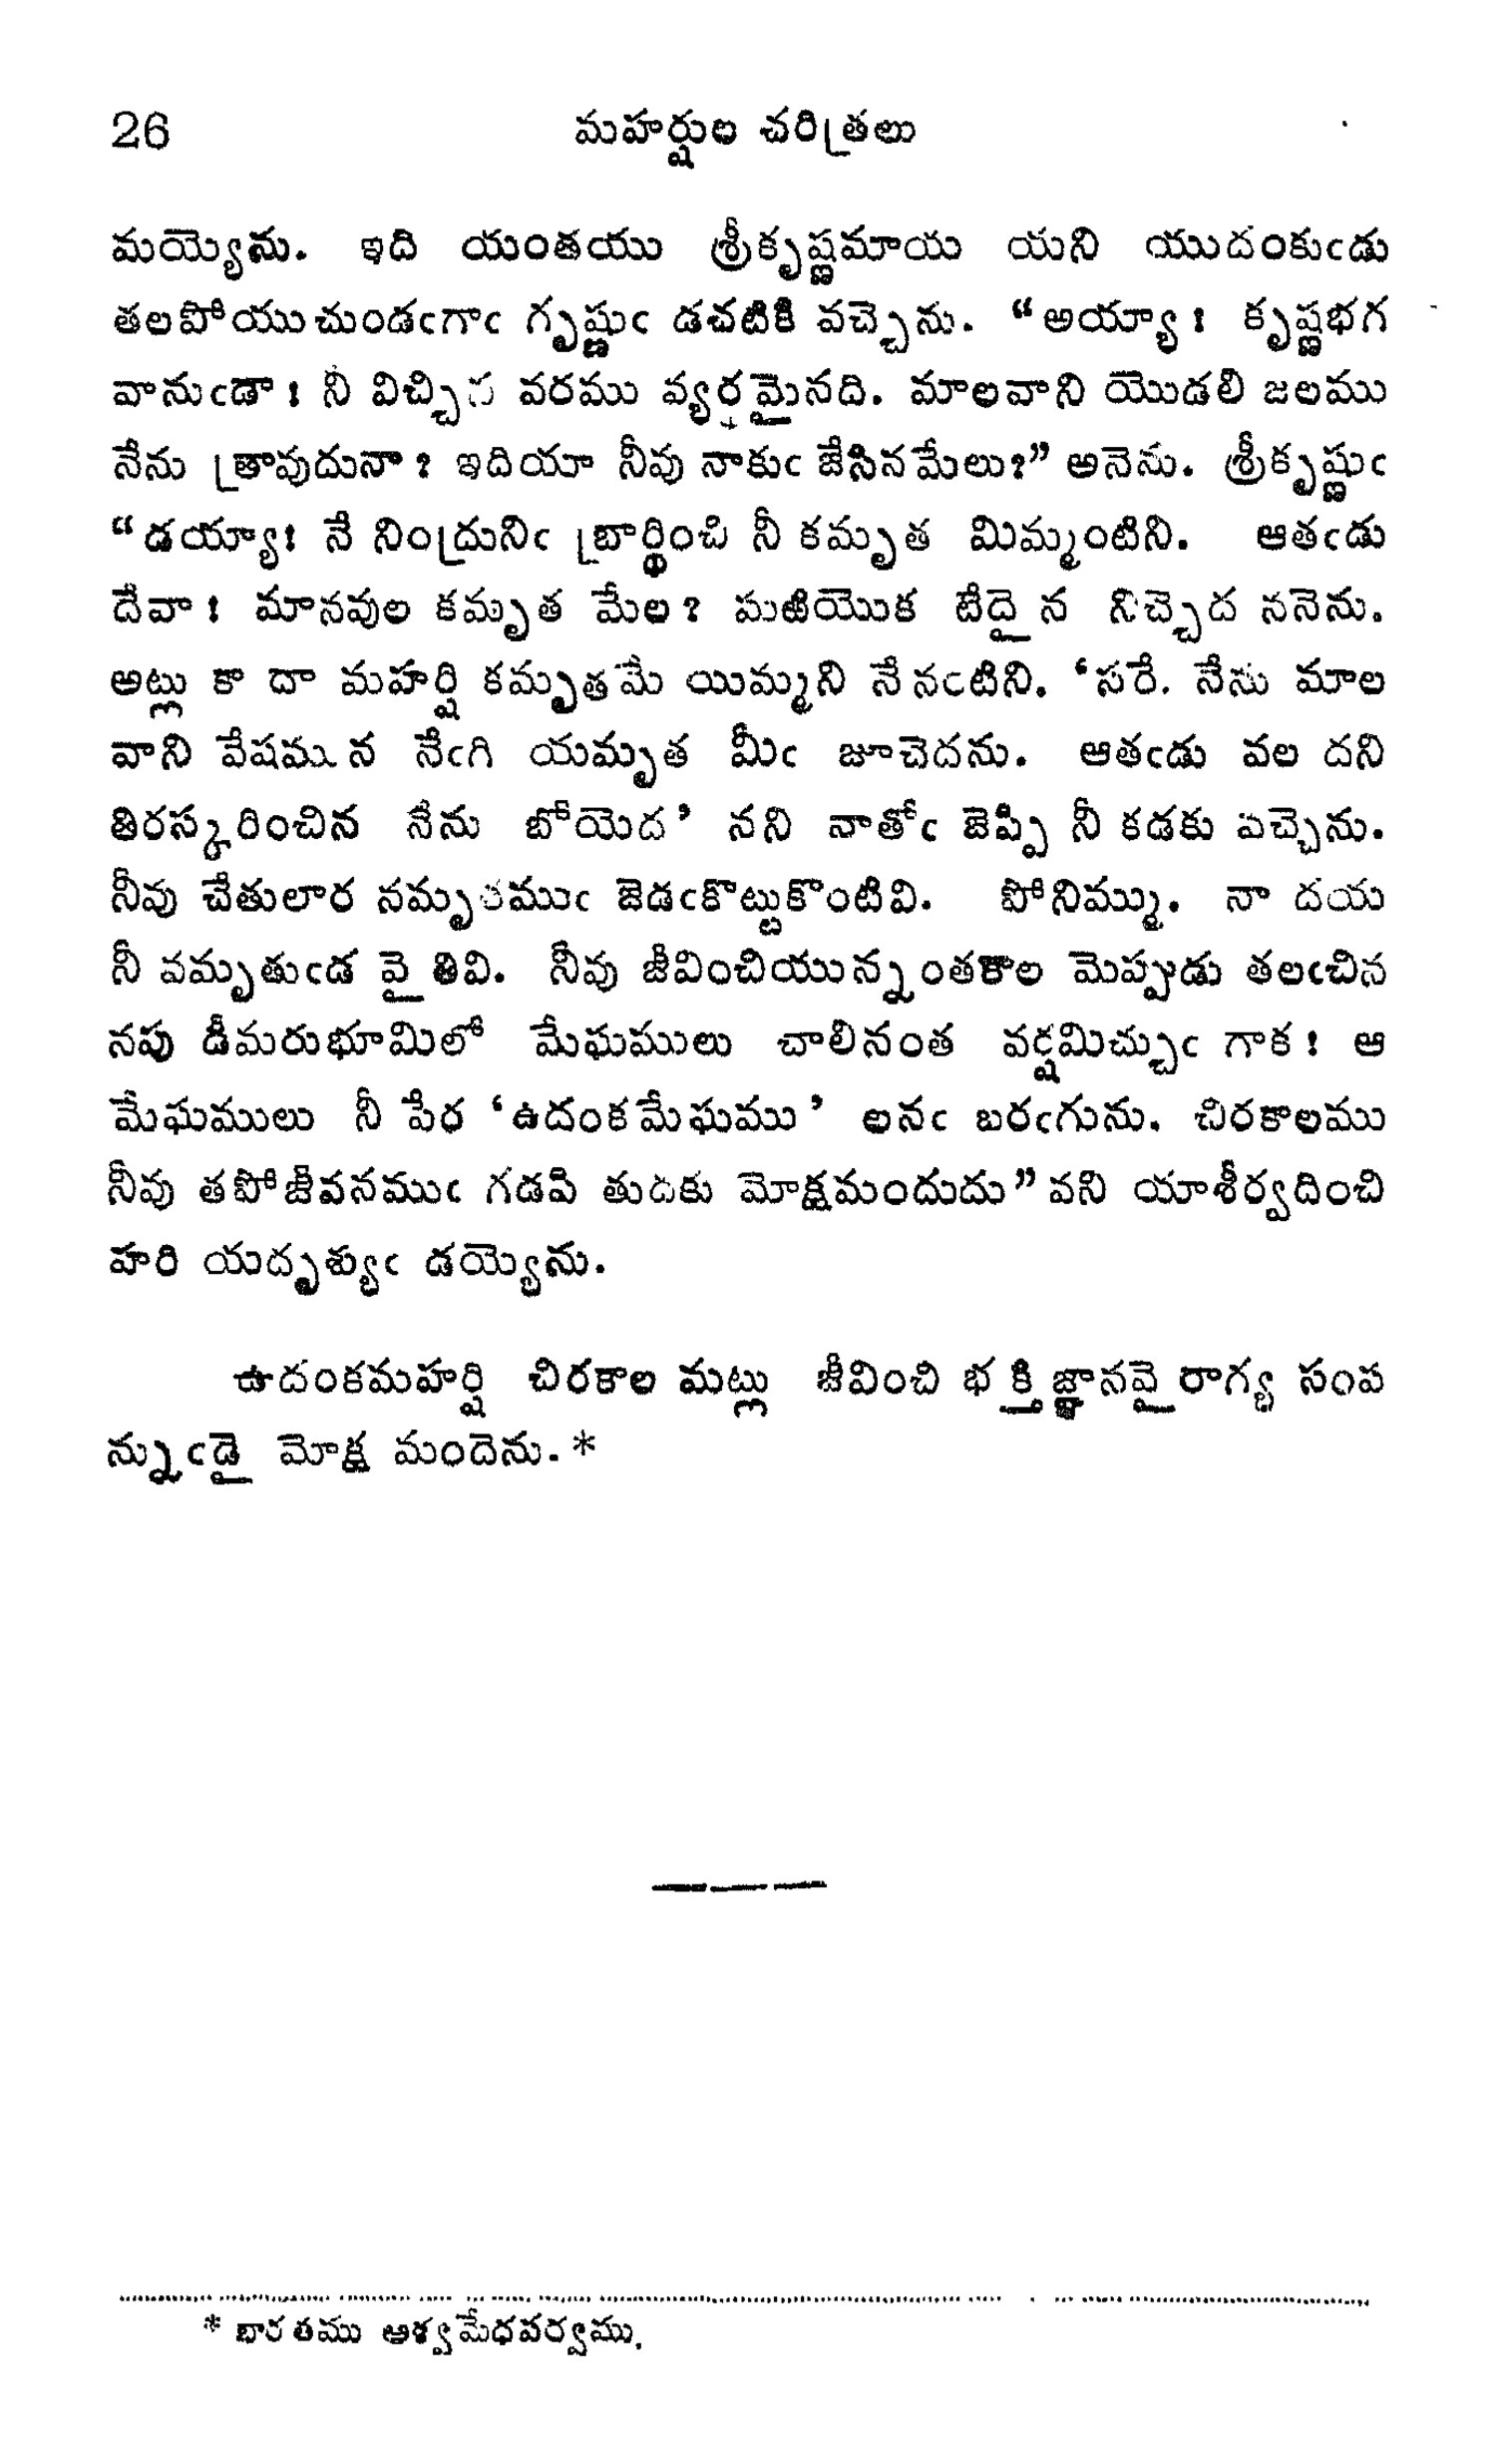మయ్యెను. ఇది యంతయు శ్రీకృష్ణమాయ యని యుదంకుఁడు తలపోయుచుండఁగాఁ గృష్ణుఁ డచటికి వచ్చెను. "అయ్యా! కృష్ణభగవానుఁడా ! నీ విచ్చిన వరము వ్యర్థమైనది. మాలవాని యొడలి జలము నేను త్రావుదునా ? ఇదియా నీవు నాకుఁ జేసిన మేలు?” అనెను. శ్రీకృష్ణుఁ “డయ్యా! నే నింద్రునిఁ బ్రార్థించి నీ కమృత మిమ్మంటిని. ఆతఁడు దేవా! మానవుల కమృత మేల? మఱియొక టేదైన నిచ్చెద ననెను. అట్లు కా దా మహర్షి కమృతమే యిమ్మని నేనంటిని. “సరే, నేను మాలవాని వేషమున నేఁగి యమృత మీఁ జూచెదను. ఆతఁడు వల దని తిరస్కరించిన నేను బోయెద' నని నాతోఁ జెప్పి నీ కడకు వచ్చెను. నీవు చేతులార నమృతముఁ జెడఁకొట్టుకొంటివి. పోనిమ్ము. నా దయ నీ వమృతుఁడ వై తివి. నీవు జీవించియున్నంతకాల మెప్పుడు తలఁచిన నపు డీమరుభూమిలో మేఘములు చాలినంత వర్షమిచ్చుఁ గాక ! ఆ మేఘములు నీ పేరు 'ఉదంకమేఘము' లనఁ బరఁగును. చిరకాలము నీవు తపోజీవనముఁ గడపి తుదకు మోక్షమందుదు” వని యాశీర్వదించి హరి యదృశ్యుఁ డయ్యెను.

ఉదంకమహర్షి చిరకాల మట్లు జీవించి భక్తి జ్ఞానవైరాగ్య సంపన్నుఁడై మోక్ష మందెను.*